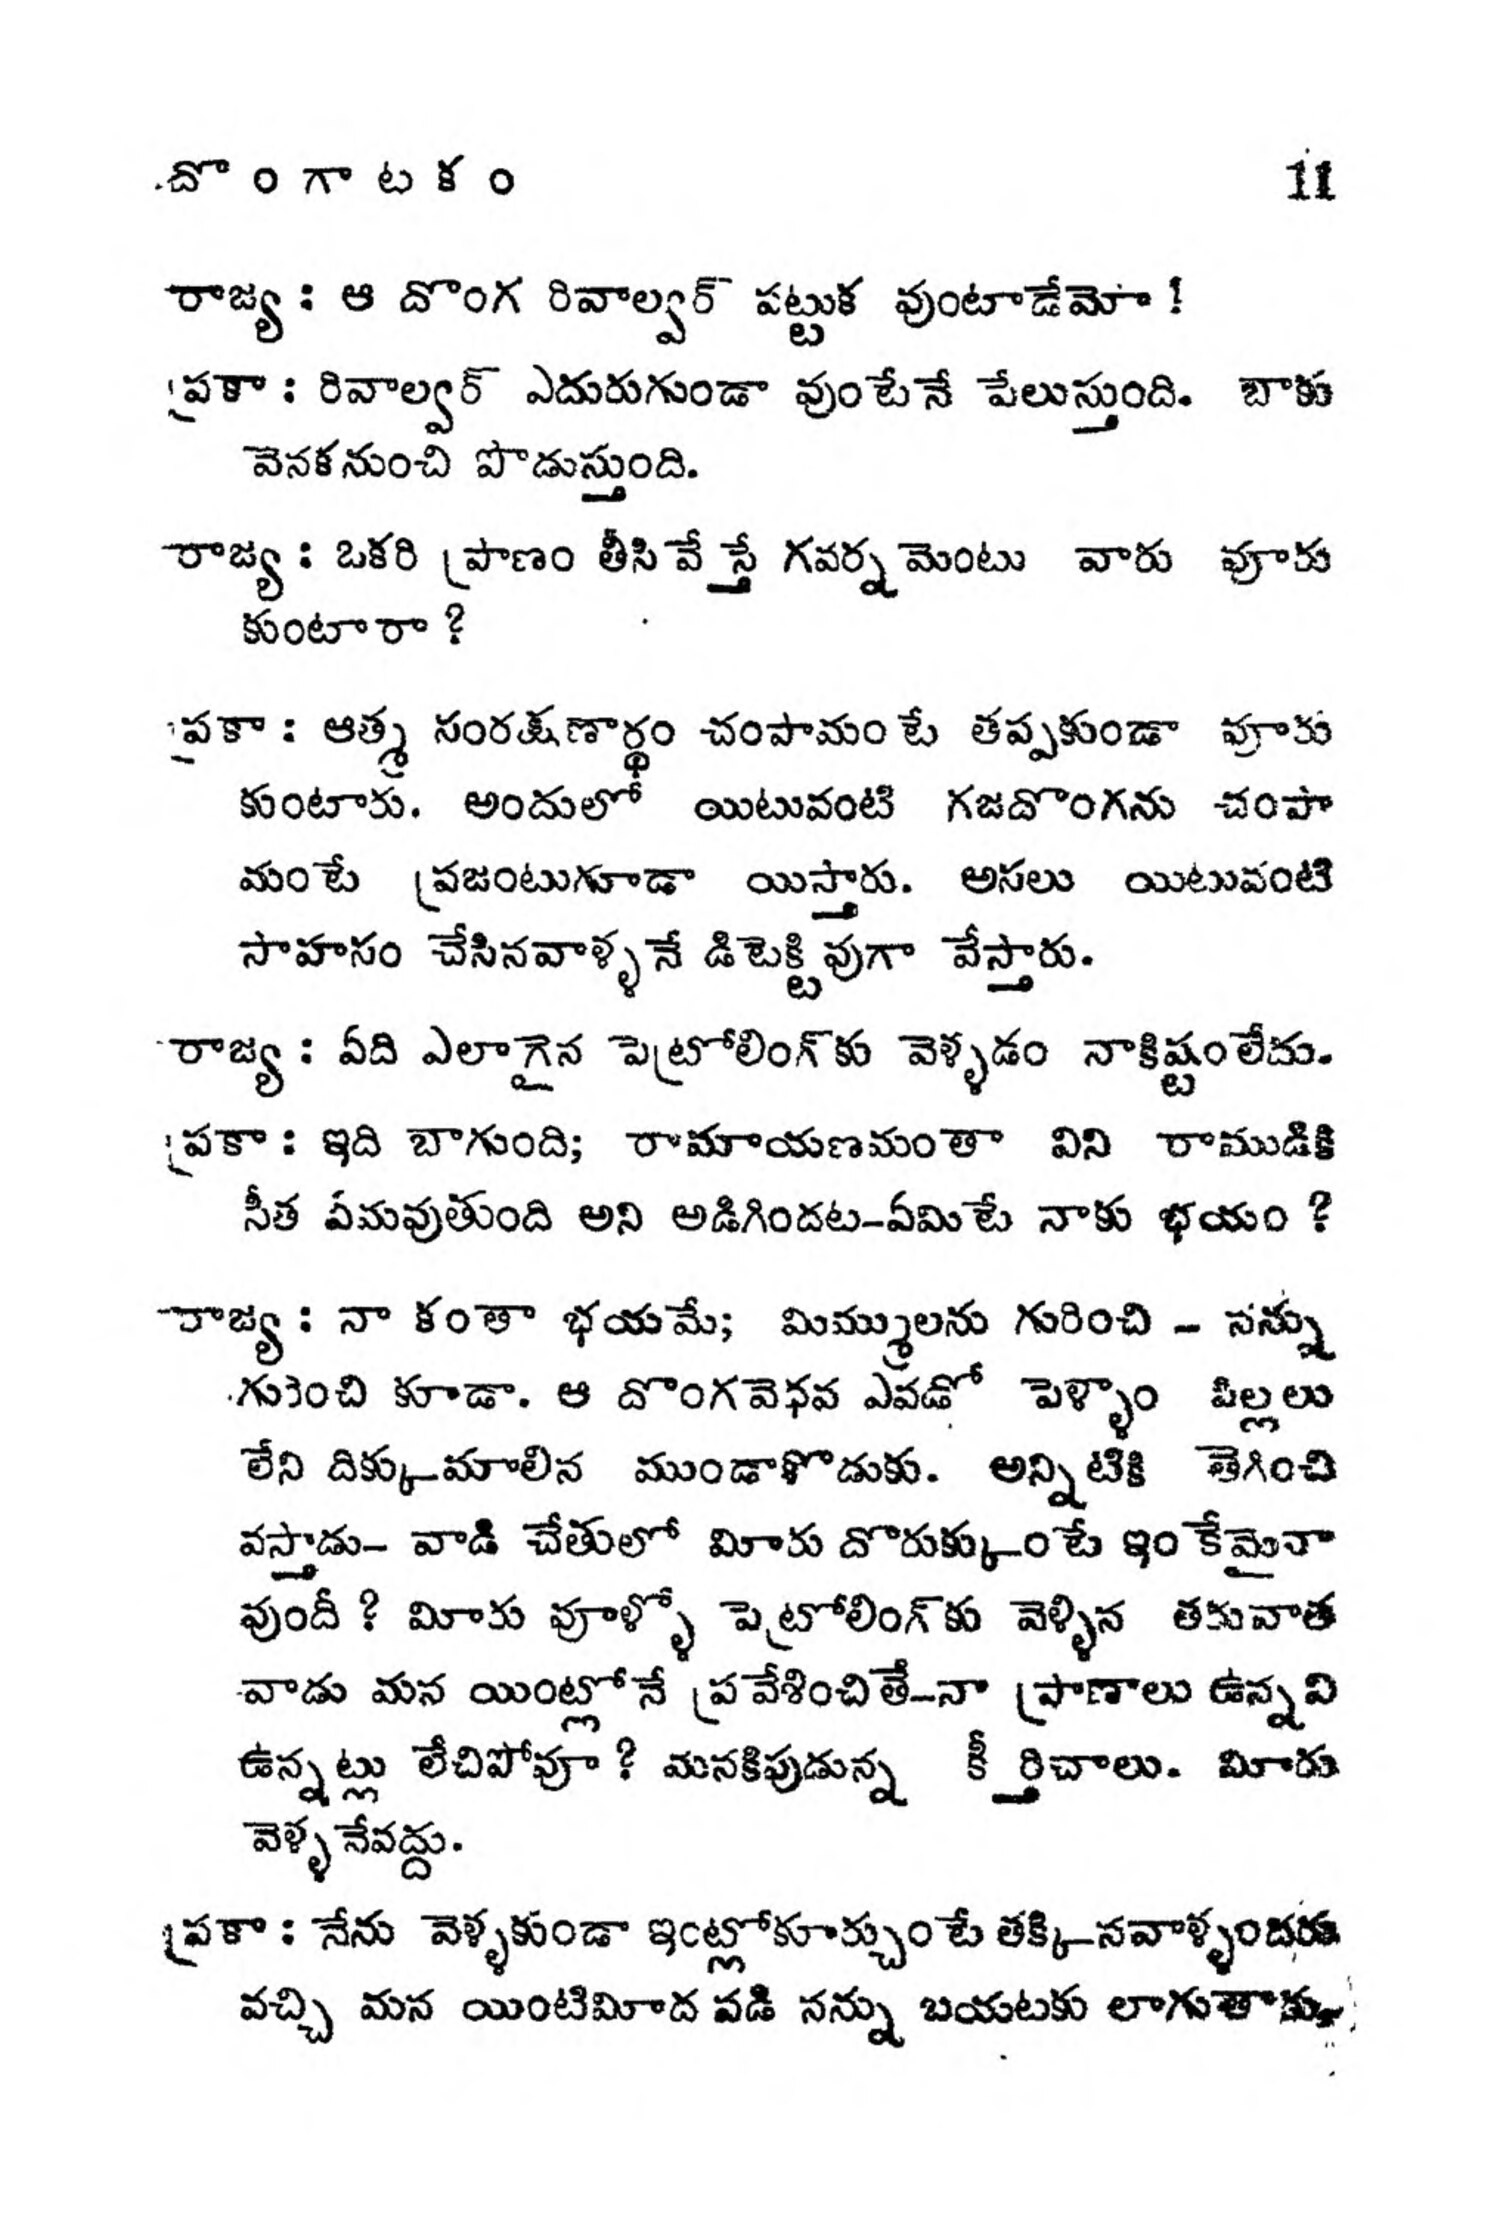రాజ్య : ఆ దొంగ రివాల్వర్ పట్టుక వుంటాడేమో ?

ప్రకా : రివాల్వర్ ఎదురుగుండా వుంటేనే పేలుస్తుంది. బాకు వెనకనుంచి పొడుస్తుంది.

రాజ్య : ఒకరి ప్రాణం తీసివేస్తే గవర్నమెంటు వారు వూరుకుంటారా?

ప్రకా : ఆత్మ సంరక్షణార్థం చంపామంటే తప్పకుండా వూరుకుంటారు. అందులో యిటువంటి గజదొంగను చంపామంటే ప్రజంటుగూడా యిస్తారు. అసలు యిటువంటి సాహసం చేసినవాళ్ళనే డిటెక్టివుగా వేస్తారు.

రాజ్య : ఏది ఎలాగైన పెట్రోలింగ్‌కు వెళ్ళడం నాకిష్టంలేదు.

ప్రకా : ఇది బాగుంది; రామాయణమంతా విని రాముడికి సీత ఏమవుతుంది అని అడిగిందట-ఏమిటే నాకు భయం ?

రాజ్య : నా కంతా భయమే; మిమ్ములను గురించి - నన్ను గురించి కూడా. ఆ దొంగవెధవ ఎవడో పెళ్ళాం పిల్లలు లేని దిక్కుమాలిన ముండాకొడుకు. అన్నిటికి తెగించి వస్తాడు— వాడి చేతులో మీరు దొరుక్కుంటే ఇంకేమైనా వుందీ? మీరు వూళ్ళో పెట్రోలింగ్‌కు వెళ్ళిన తరువాత వాడు మన యింట్లోనే ప్రవేశించితే- నా ప్రాణాలు ఉన్నవి ఉన్నట్లు లేచిపోవూ? మనకిపుడున్న కీర్తిచాలు. మీరు వెళ్ళనేవద్దు.

ప్రకా : నేను వెళ్ళకుండా ఇంట్లో కూర్చుంటే తక్కినవాళ్ళందరు వచ్చి మన యింటిమీద పడి నన్ను బయటకు లాగుతారు.